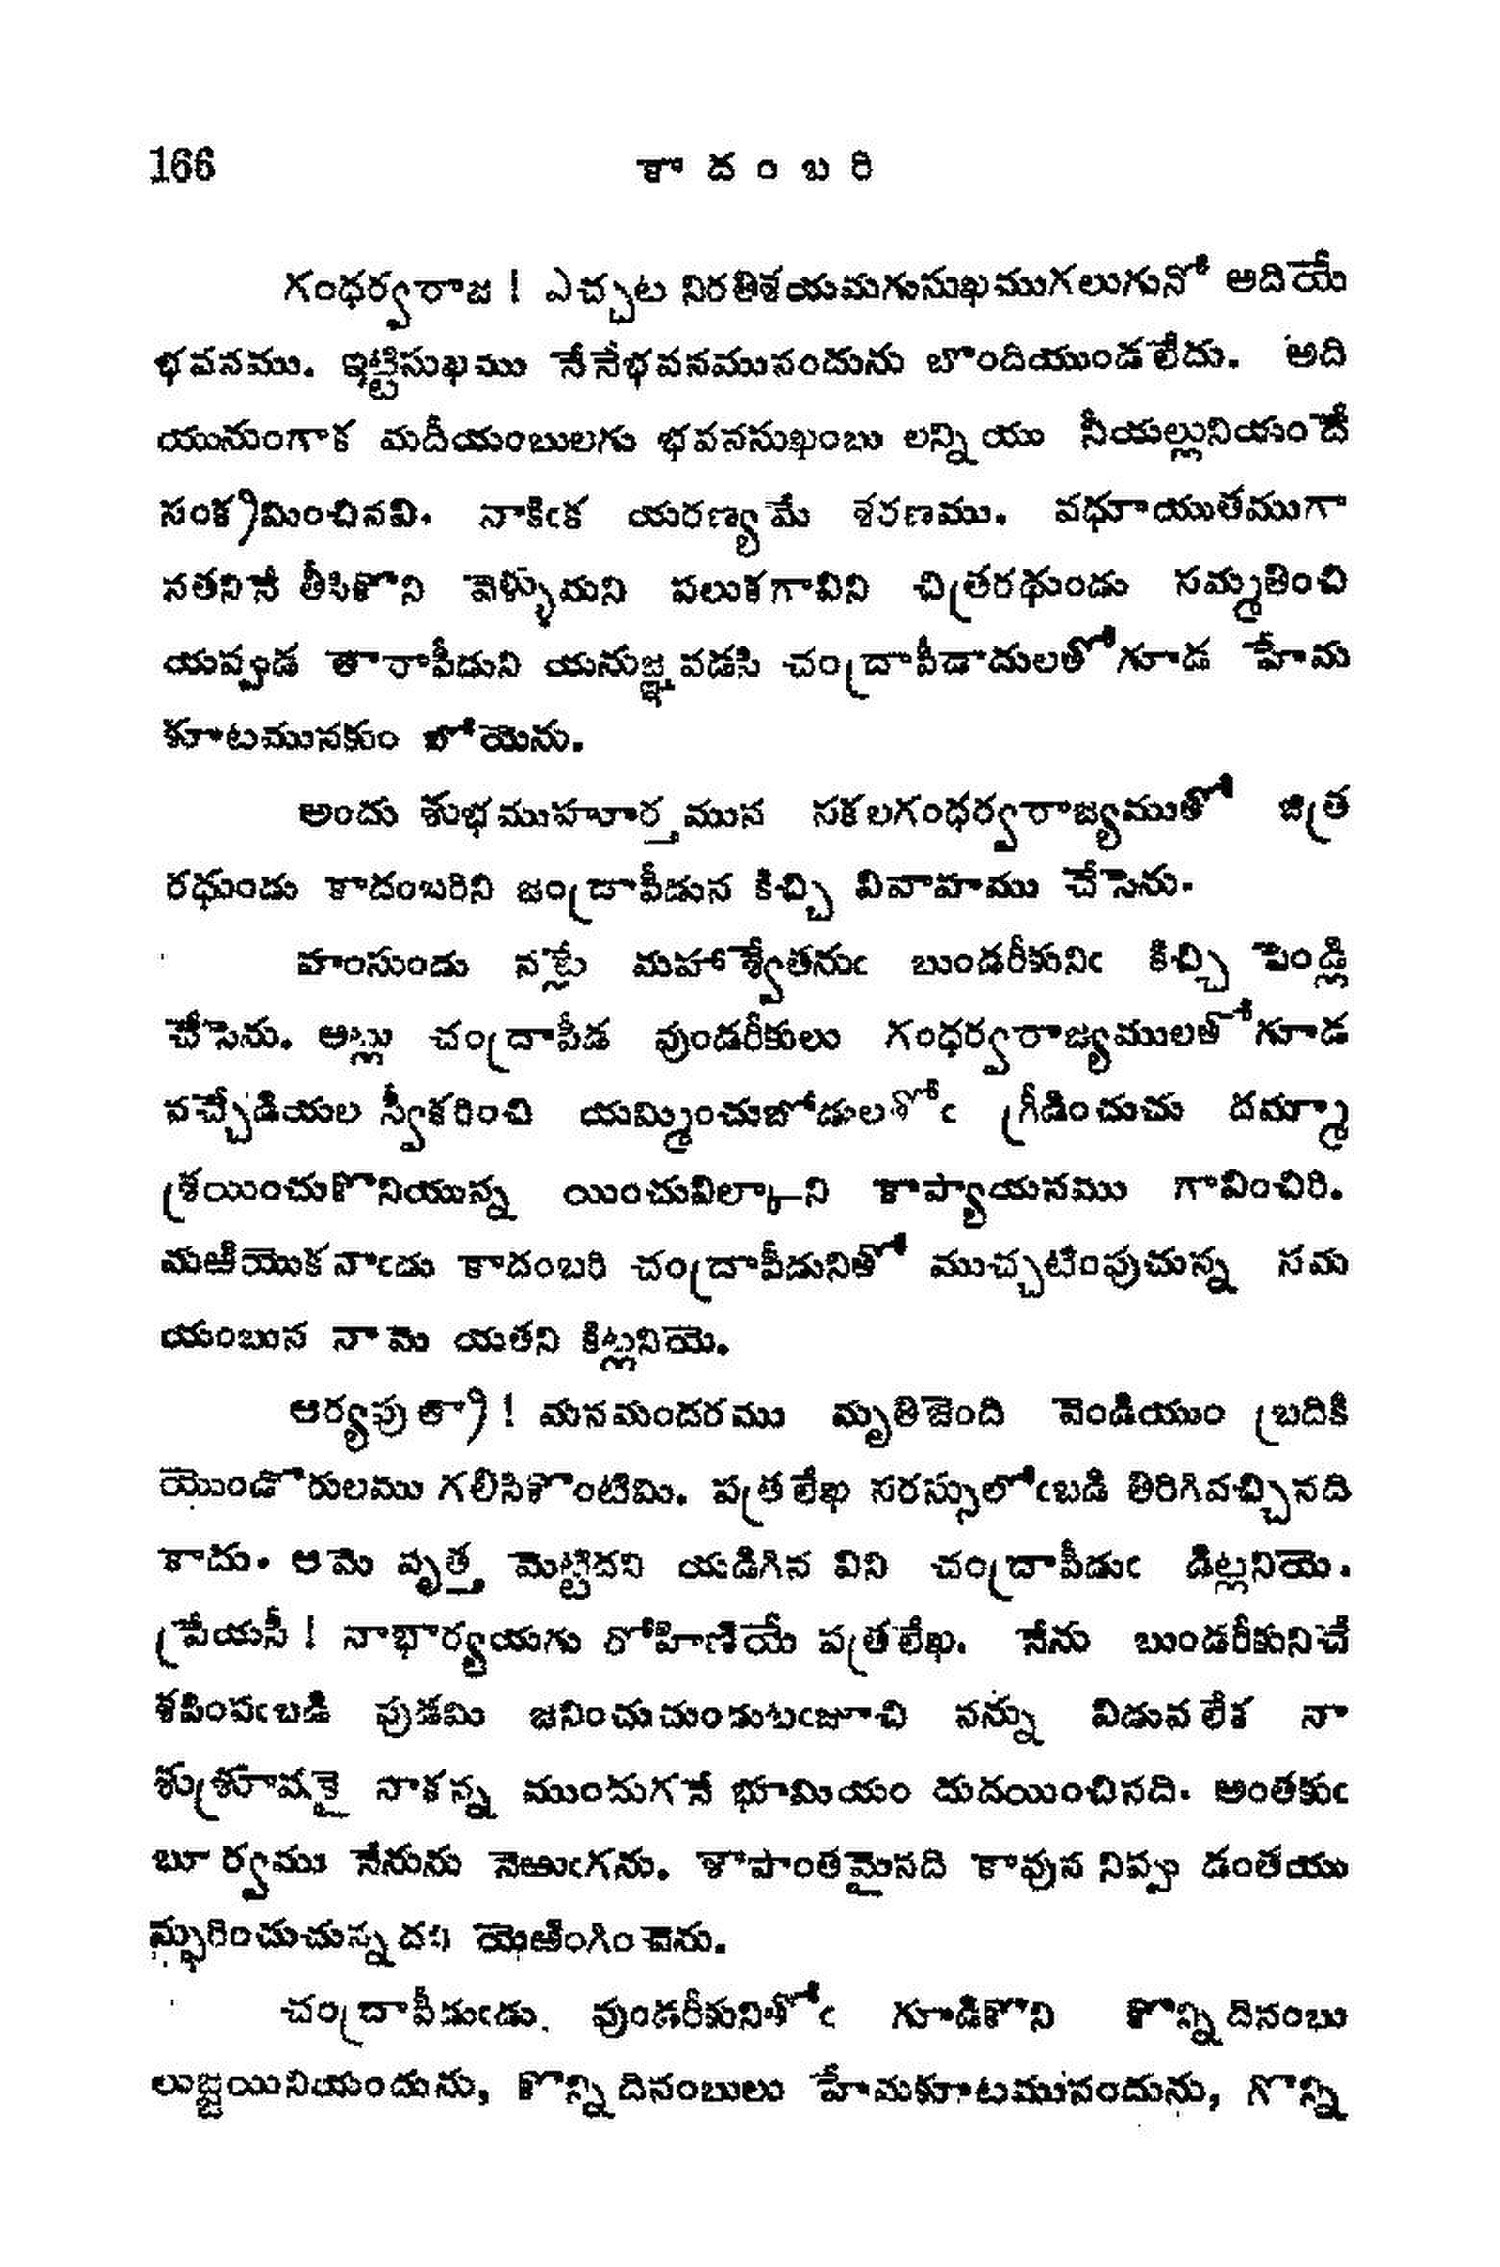గంధర్వరాజ! ఎచ్చట నిరతిశయమగుసుఖముగలుగునో అదియే భవనము. ఇట్టిసుఖము నేనేభవనమునందును బొందియుండలేదు. అదియునుంగాక మదీయంబులగు భవనసుఖంబు లన్నియు నీయల్లునియందే సంక్రమించినవి. నాకిఁక యరణ్యమే శరణము. వధూయుతముగా నతనినే తీసికొని వెళ్ళుమని పలుకగావిని చిత్రరథుండు సమ్మతించి యప్పుడ తారాపీడుని యనుజ్ఞ వడసి చంద్రాపీడాదులతోగూడ హేమకూటమునకుం బోయెను.

అందు శుభముహూర్తమున సకలగంధర్వరాజ్యముతో జిత్రరధుండు కాదంబరిని జంద్రాపీడున కిచ్చి వివాహము చేసెను.

హంసుండు నట్లే మహాశ్వేతనుఁ బుండరీకునిఁ కిచ్చి పెండ్లి చేసెను. అట్లు చంద్రాపీడ పుండరీకులు గంధర్వరాజ్యములతోగూడ నచ్చేడియల స్వీకరించి యమ్మించుబోడులతోఁ గ్రీడించుచు దమ్మాశ్రయించుకొనియున్న యించువిల్కాని కాప్యాయనము గావించిరి. మఱియొకనాఁడు కాదంబరి చంద్రాపీడునితో ముచ్చటింపుచున్న సమయంబున నామె యతని కిట్లనియె.

ఆర్యపుత్రా! మనమందరము మృతిజెంది వెండియుం బ్రదికి యొండొరులము గలిసికొంటిమి. పత్రలేఖ సరస్సులోఁబడి తిరిగివచ్చినది కాదు. ఆమె వృత్త మెట్టిదని యడిగిన విని చంద్రాపీడుఁ డిట్లనియె. ప్రేయసీ! నాభార్యయగు రోహిణియే పత్రలేఖ. నేను బుండరీకునిచే శపింపఁబడి పుడమి జనించుచుండుటఁజూచి నన్ను విడువలేక నా శుశ్రూషకై నాకన్న ముందుగనే భూమియం దుదయించినది. అంతకుఁ బూర్వము నేనును నెఱుఁగను. శాపాంతమైనది కావున నిప్పు డంతయు స్ఫురించుచున్నదని యెఱింగించెను.

చంద్రాపీడుఁడు పుండరీకునితోఁ గూడికొని కొన్నిదినంబు లుజ్జయినియందును, కొన్నిదినంబులు హేమకూటమునందును, గొన్ని